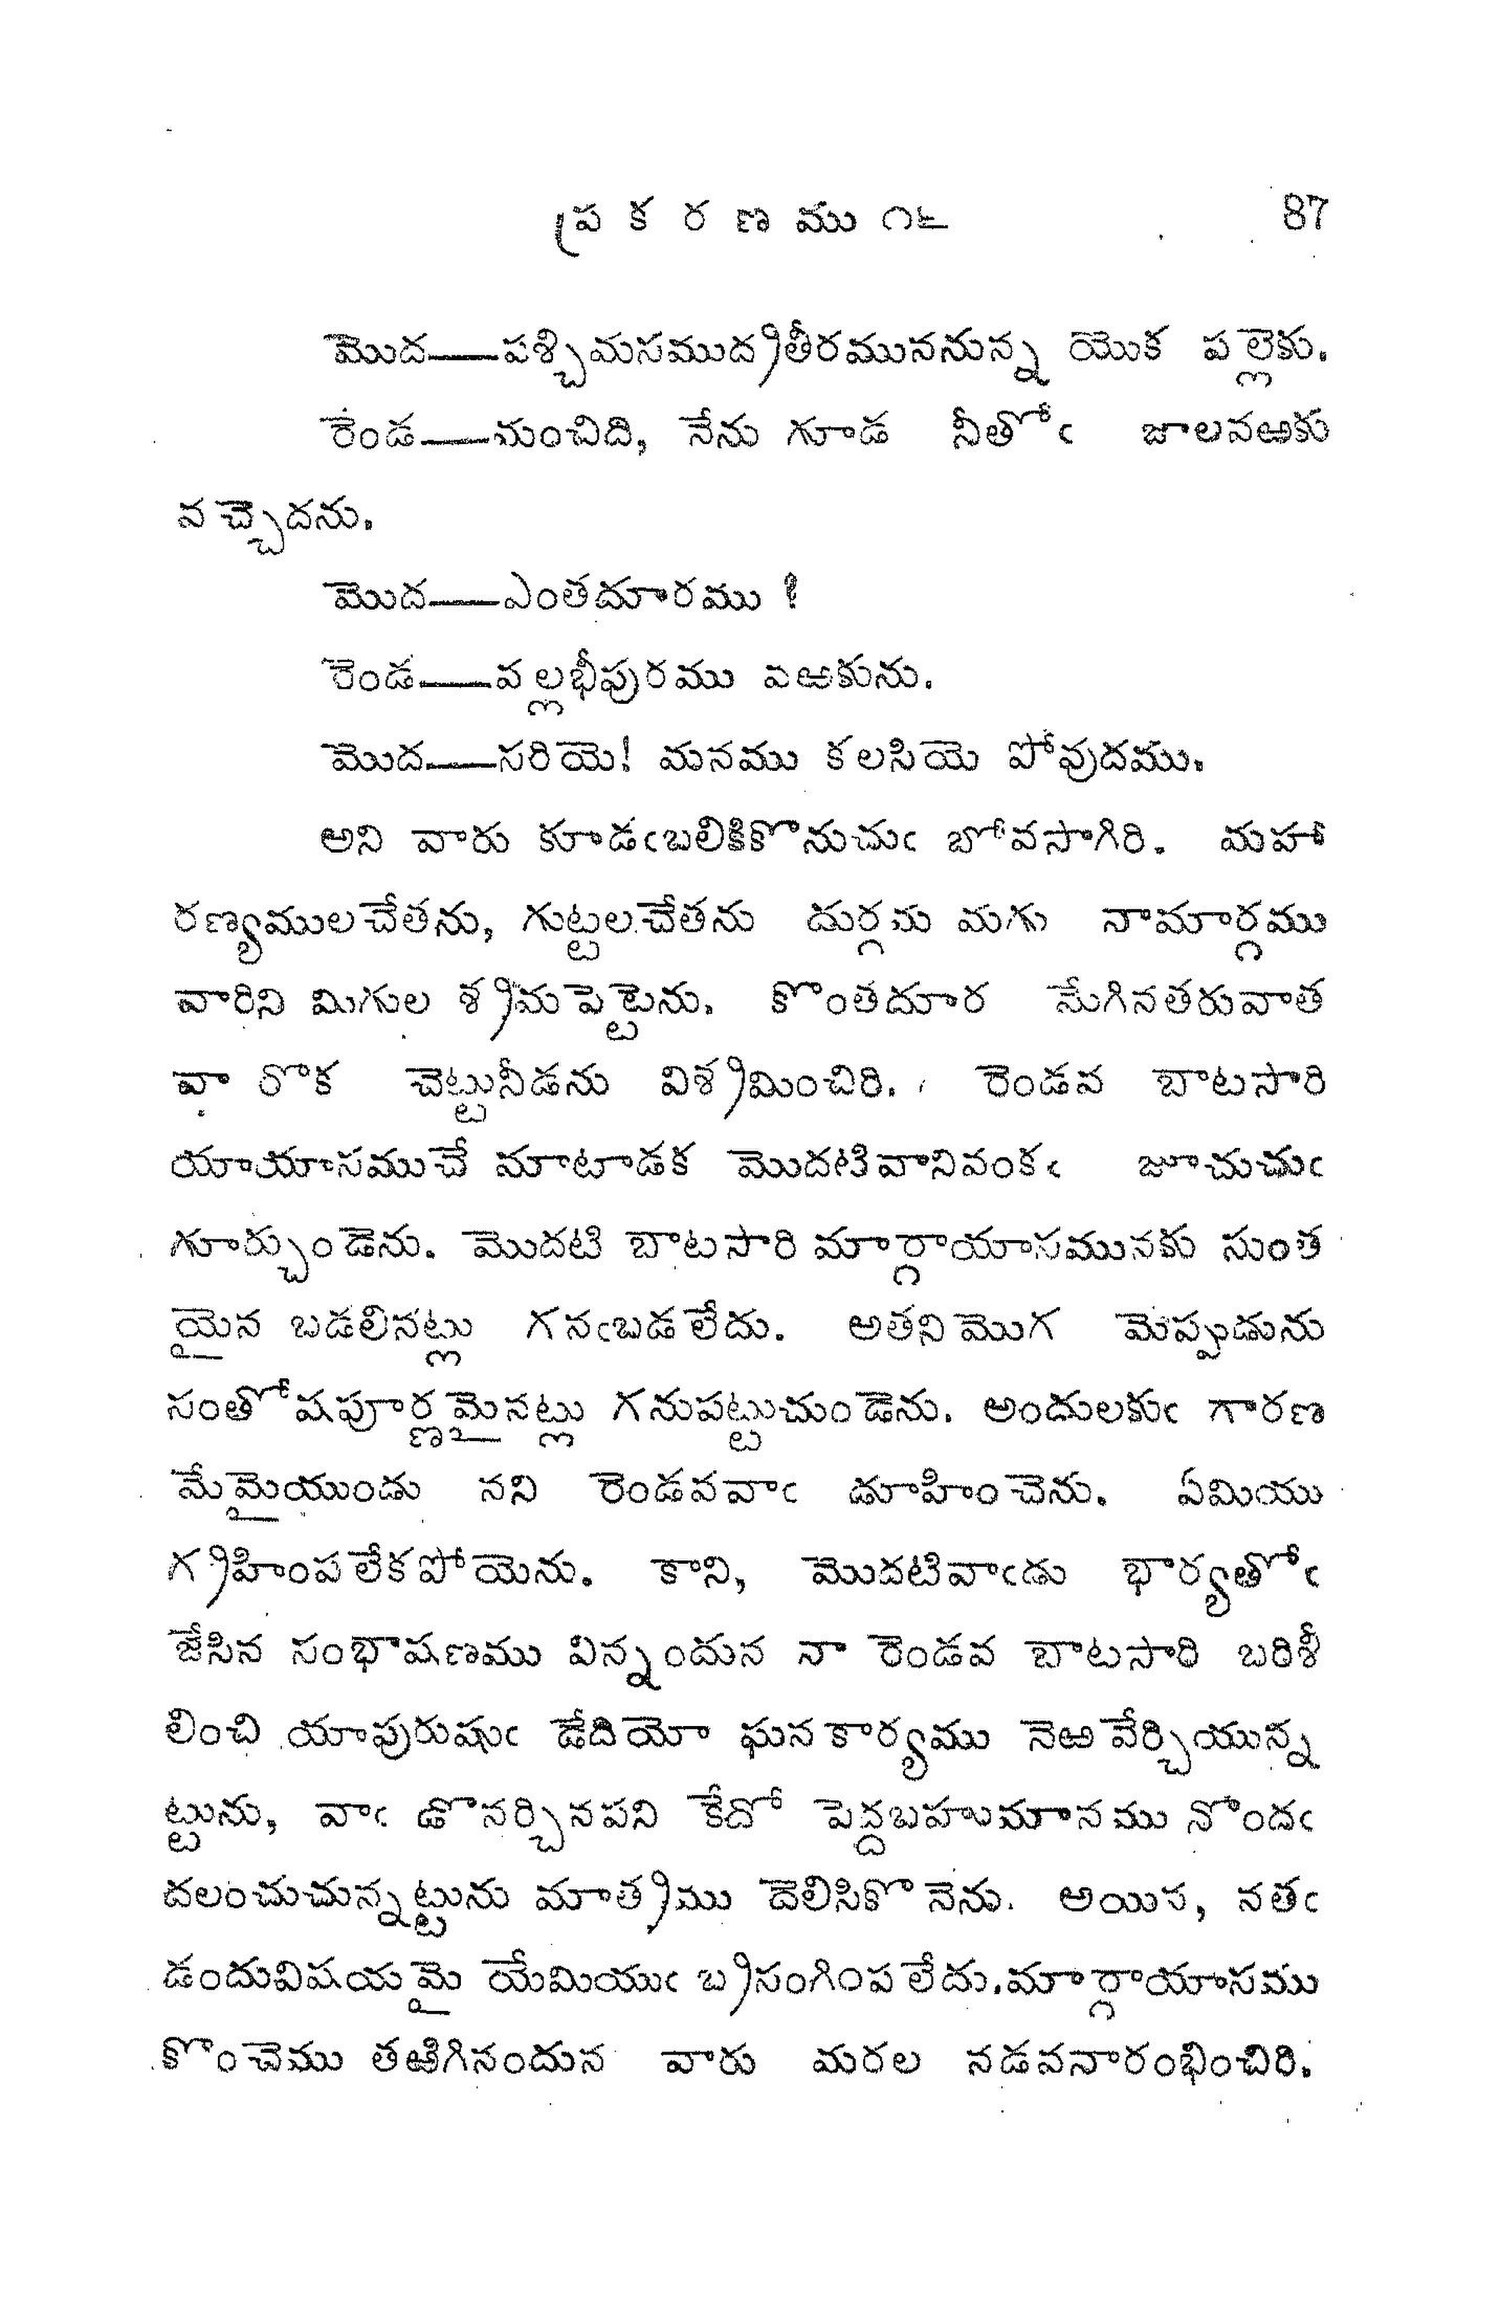మొద — పశ్చిమ సముదతీరముననున్న యొక పల్లెకు.

రెండ: -మంచిది, నేను గూడ నీతోఁ జాలవఱకు నచ్చెదను.

మొద: ఎంతదూరము ?

'రెండ: వల్లభీపురము ఏజకును.

"మొద:... -సరియె! మనము కలసియె పోవుదము,

అని వారు కూడఁబలికికొనుచుఁ బోవసాగిరి. మహా రణ్యముల చేతను, గుట్టల చేతను దుర్గను మగు నామార్గము వారిని మిగుల శ్రమ పెట్టెను, కొంతదూరమేగిన తరువాత వా రోక చెట్టునీడను విశ్రమించిరి. ఆ రెండన బాటసారి యాయాసముచే మాటాడక మొదటివానివంక, జూచుచుం గూర్చుండెను. మొదటి బాటసారి మార్గాయాసమునకు సుంత యైన బడలినట్లు గనఁబడ లేదు. గనఁబడ లేదు. అతని మొగ మెప్పుడును సంతోషపూర్ణమైనట్లు గనుపట్టుచుండెను. అందులకుఁ గారణ మేమైయుండు నని రెండవవాఁ డూహించెను. ఏమియు గ్రహింప లేక పోయెను. కాని, మొదటివాఁడు భార్యతో జేసిన సంభాషణము విన్నందున నా రెండవ బాటసారి బరిశీ లించి యాపురుషుఁ డేదియో ఘన కార్యము నెఱ వేర్చియున్న ట్టును, వాఁ డొనర్చిన పని కేదో పెద్ద బహుమానము నొందఁ దలంచుచున్నట్టును మాత్రము దెలిసికొనెను. అయిన నతఁ డందువిషయమై యేమియుఁ బ్రసంగింప లేదు.మార్గాయాసము కొంచెము తఱిగినందున వారు మరల నడవనారంభించిరి,